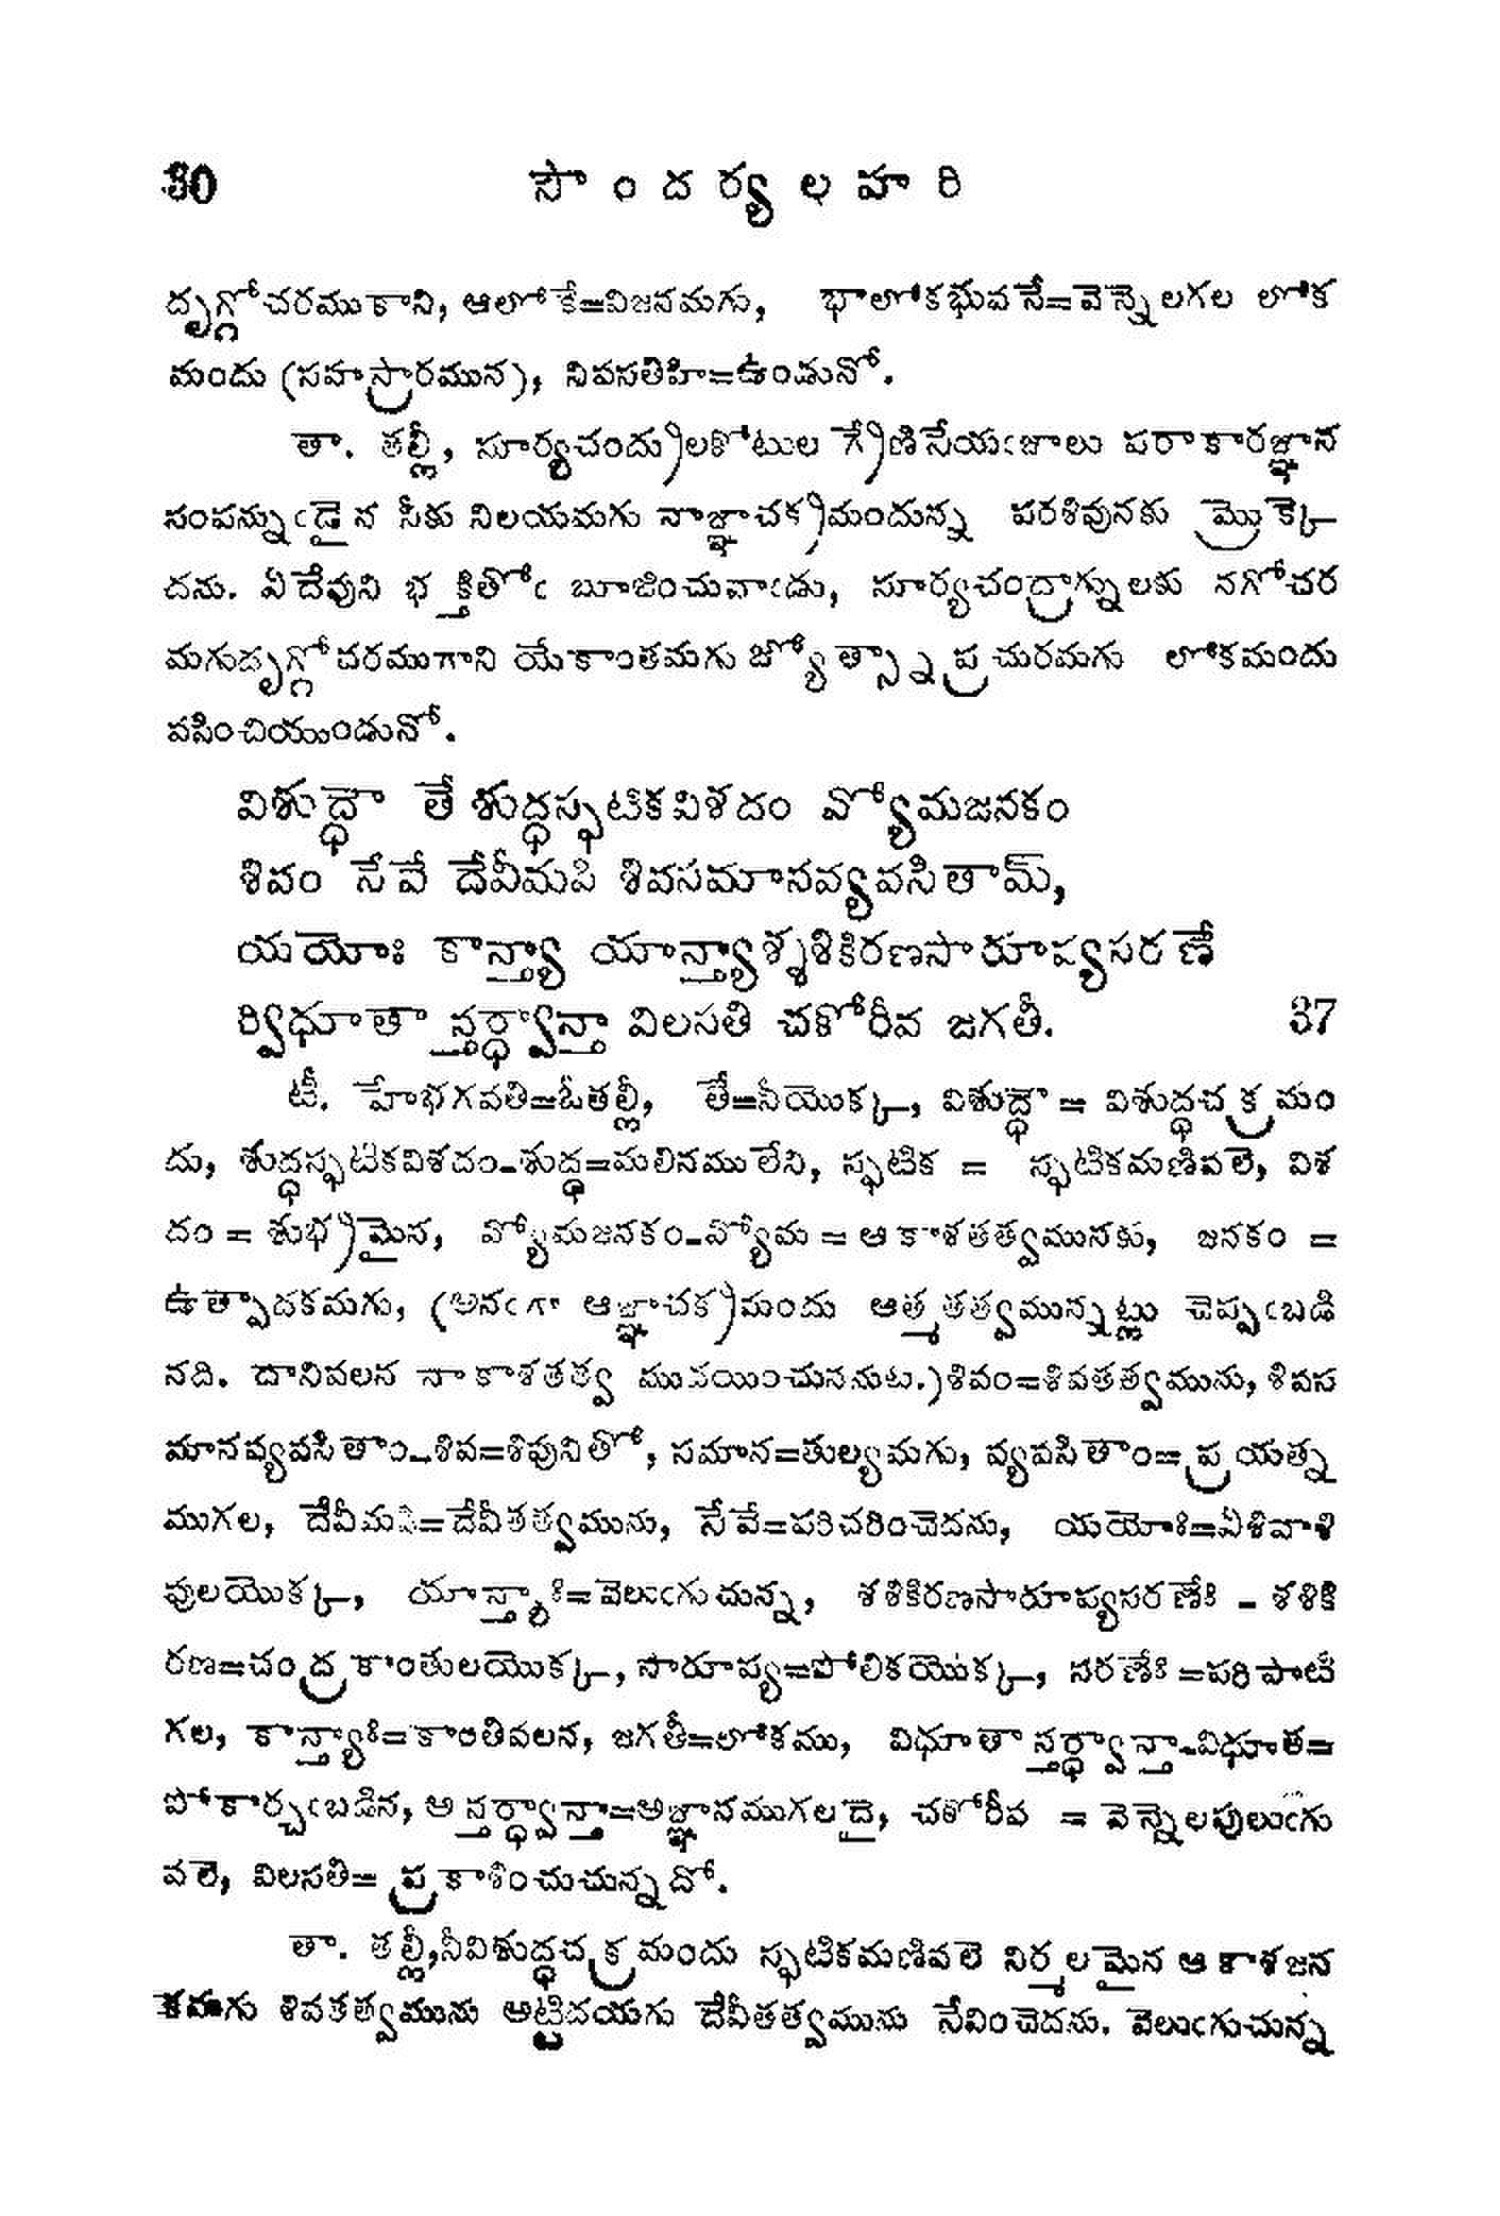దృగ్గోచరముకాని, ఆలోకే = విజనమగు, భాలోకభువనే = వెన్నెలగల లోకమందు (సహస్రారమున), నిపసతిహి = ఉండునో.

తా. తల్లీ, సూర్యచంద్రులకోటుల గ్రేణిసేయఁజాలు పరాకారజ్ఞానసంపన్నుఁడైన నీకు నిలయమగు నాజ్ఞాచక్రమందున్న పరమశివునకు మ్రొక్కెదను. ఏదేవుని భక్తితోఁ బూజించువాఁడు, సూర్యచంద్రాగ్నులకు నగోచరమగు దృగ్గోచరముగాని యేకాంతమగు జ్యోత్స్నాప్రచురమగు లోకమందు వసించియుండునో.

విశుద్ధౌ తే శుద్ధస్ఫటికవిశదం వ్యోమజనకం
శివం సేవే దేవీమపి శివసమానవ్యవసితామ్,
యయోః కాన్త్యా యాన్త్యాశ్శశికిరణసారూప్యసరణే
ర్విధూతా న్తర్ధ్వాన్తా విలసతి చకోరీవ జగతీ. 37
టీ. హేభగవతి = ఓతల్లీ, తే = నీయొక్క, విశుద్ధౌ = విశుద్ధచక్రమందు, శుద్ధస్ఫటికవిశదం-శుద్ధ = మలినములేని, స్ఫటిక = స్ఫటికమణివలె, విశదం = శుభ్రమైన, వ్యోమజనకం-వ్యోమ = ఆకాశతత్వమునకు, జనకం = ఉత్పాదకమగు, (అనఁగా ఆజ్ఞాచక్రమందు ఆత్మతత్వమున్నట్లు చెప్పఁబడినది. దానివలన నాకాశతత్వ ముదయించుననుట.) శివం = శివతత్వమును, శివసమానవ్యవసితాం-శివ = శివునితో, సమాన = తుల్యమగు, వ్యవసితాం = ప్రయత్నముగల, దేవీమపి = దేవీతత్వమును, నీవే = పరిచరించెదను, యయోః = ఏశివాశివులయొక్క, యాన్త్యాః = వెలుఁగుచున్న, శశికిరణసారూప్యసరణేః-శశికిరణ = చంద్రకాంతులయొక్క, సారూప్య = పోలికయొక్క, సరణేః = సరిపాటిగల, కాన్త్యాః = కాంతివలన, జగతీ = లోకము, విధూతాన్తర్ధ్వాన్తా-విధూత = పోకార్చఁబడిన, అన్తర్ధ్వాన్తా = అజ్ఞానముగలదై, చకోరీవ = వెన్నెలపులుఁగువలె, విలసతి = ప్రకాశించుచున్నదో.

తా. తల్లీ, నీవిశుద్ధచక్రమందు స్ఫటికమణివలె నిర్మలమైన ఆకాశజనకమగు శివతత్వమును అట్టిదయగు దేవీతత్వమును సేవించెదను. వెలుఁగుచున్న